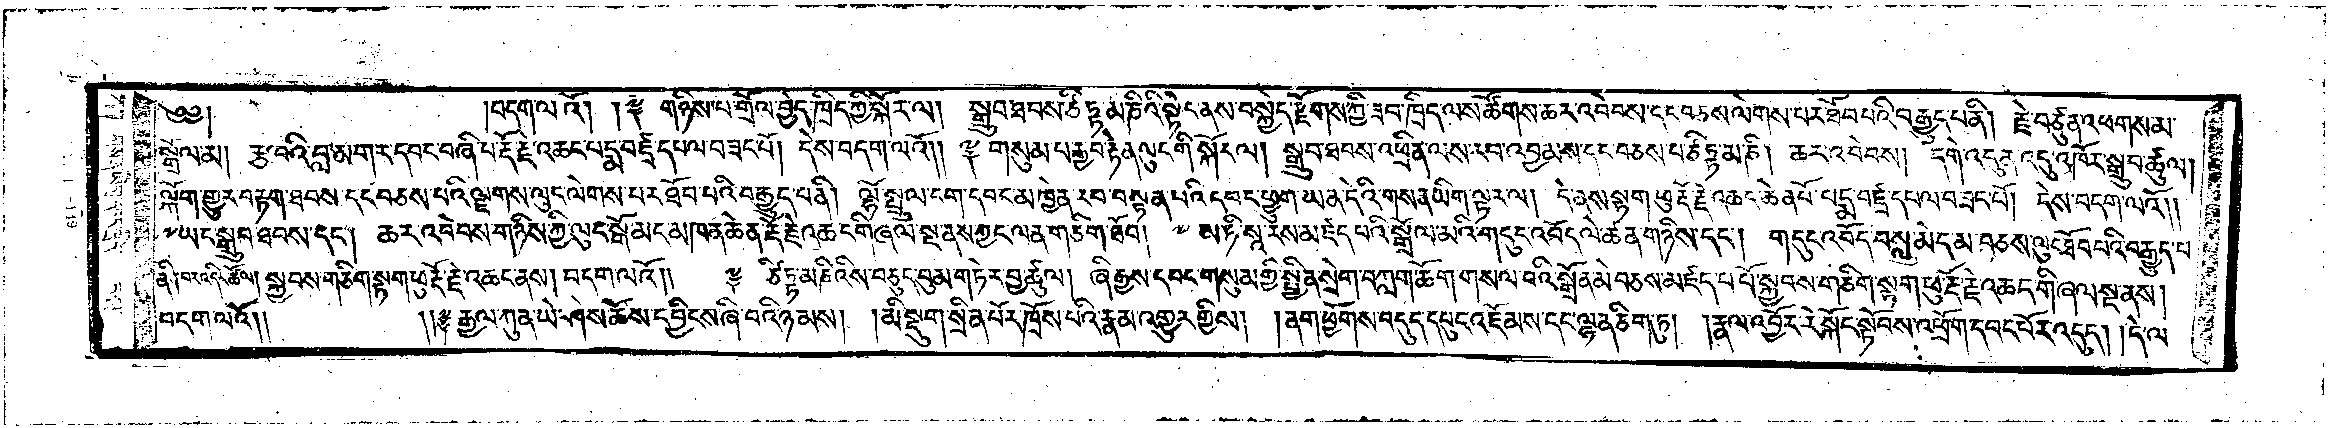༄༅། །བདག་ལའོ། ། ༈ གཉིས་པ་གྲོལ་བྱེད་ཁྲིད་ཀྱི་སྐོར་ལ། སྒྲུབ་ཐབས་ཙིཏྟ་མཎིའི་སྟེང་ནས་བསྐྱེད་རྫོགས་ཀྱི་ཟབ་ཁྲིད་ལས་ཚོགས་ཆར་འབེབས་དང་བཅས་ལེགས་པར་ཐོབ་པའི་བརྒྱུད་པ་ནི། རྗེ་བཙུན་འཕགས་མ་
སྒྲོལ་མ། རྩ་བའི་བླ་མ་གར་དབང་བཞི་པ་རྡོ་རྗེ་འཆང་པདམ་བཛྲ་དཔལ་བཟང་པོ། དེས་བདག་ལའོ།། ༈ གསུམ་པ་རྒྱབ་རྟེན་ལུང་གི་སྐོར་ལ། སྒྲུབ་ཐབས་འཕྲིན་ལས་རབ་འབྱམས་དང་བཅས་པ་ཙིཏྟ་མ་ཎི། ཆར་འབེབས། དགེ་འདུན་འདུ་འཁོར་སྒྲུབ་ཚུལ།
ལྐོག་གྱུར་བརྟག་ཐབས་དང་བཅས་པའི་ལྗགས་ལུང་ལེགས་པར་ཐོབ་པའི་བརྒྱུད་བ་ནི། ལྷོ་སྤྲུལ་ངག་དབང་མཁྱེན་རབ་བསྟན་པའི་དབང་ཕྱུག་ཡན་དེའི་གསན་ཡིག་ལྟར་ལ། དེ་ནས་སྟག་ཕུ་རྡོ་རྗེ་འཆང་ཆེན་པོ་པདམ་བཛྲ་དཔལ་བཟང་པོ། དེས་བདག་ལའོ། །
༧ཡང་སྒྲུབ་ཐབས་དང་། ཆར་འབེབས་གཉིས་ཀྱི་ལུང་སྒོ་མང་མཁན་ཆེན་རྡོ་རྗེ་འཆང་གི་ཞལ་སྔ་ནས་ཀྱང་ལན་གཅིག་ཐོབ། ༧་མ་ཏི་སཱ་རས་མཛད་པའི་སྒྲོལ་མའི་གདུང་འབོད་ལེ་ཚན་གཉིས་དང་། གདུང་འབོད་བསླུ་མེད་མ་བཅས་ལུང་ཐོབ་པའི་བརྒྱུད་པ་
ནི། བར་འདིར་ཚོལ། སྐྱབས་གཅིག་སྟག་ཕུ་རྡོ་རྗེ་འཆང་ནས། བདག་ལའོ།། འ་ཙིཏྟ་མཎིའི་ས་བཅུད་བུམ་གཏེར་བྱ་ཚུལ། ཞི་རྒྱས་དབང་གསུམ་གྱི་སྦྱིན་སྲེག་བཀླག་ཆོག་གསལ་བའི་སྒྲོན་མེ་བཅས་མཛད་པ་པོ་སྐྱབས་གཅིག་སྟག་ཕུ་རྡོ་རྗེ་འཆང་གི་ཞལ་སྔ་ནས།
བདག་ལའོ།། །། ༈ རྒྱལ་ཀུན་ཡེ་ཤེས་ཆོས་དབྱིངས་ཞི་བའི་ཉམས། །མི་སྡུག་སྲིན་པོར་ཁྲོས་པའི་རྣམ་འགྱུར་གྱིས། །ནག་ཕྱོགས་བདུད་དབུང་འཇོམས་དང་ལྷན་ཅིག་ཏུ། །རྣལ་འབྱོར་རེ་སྐོང་སྟོབས་འཕྲོག་དབང་པོར་འདུད། །དེ་ལ་